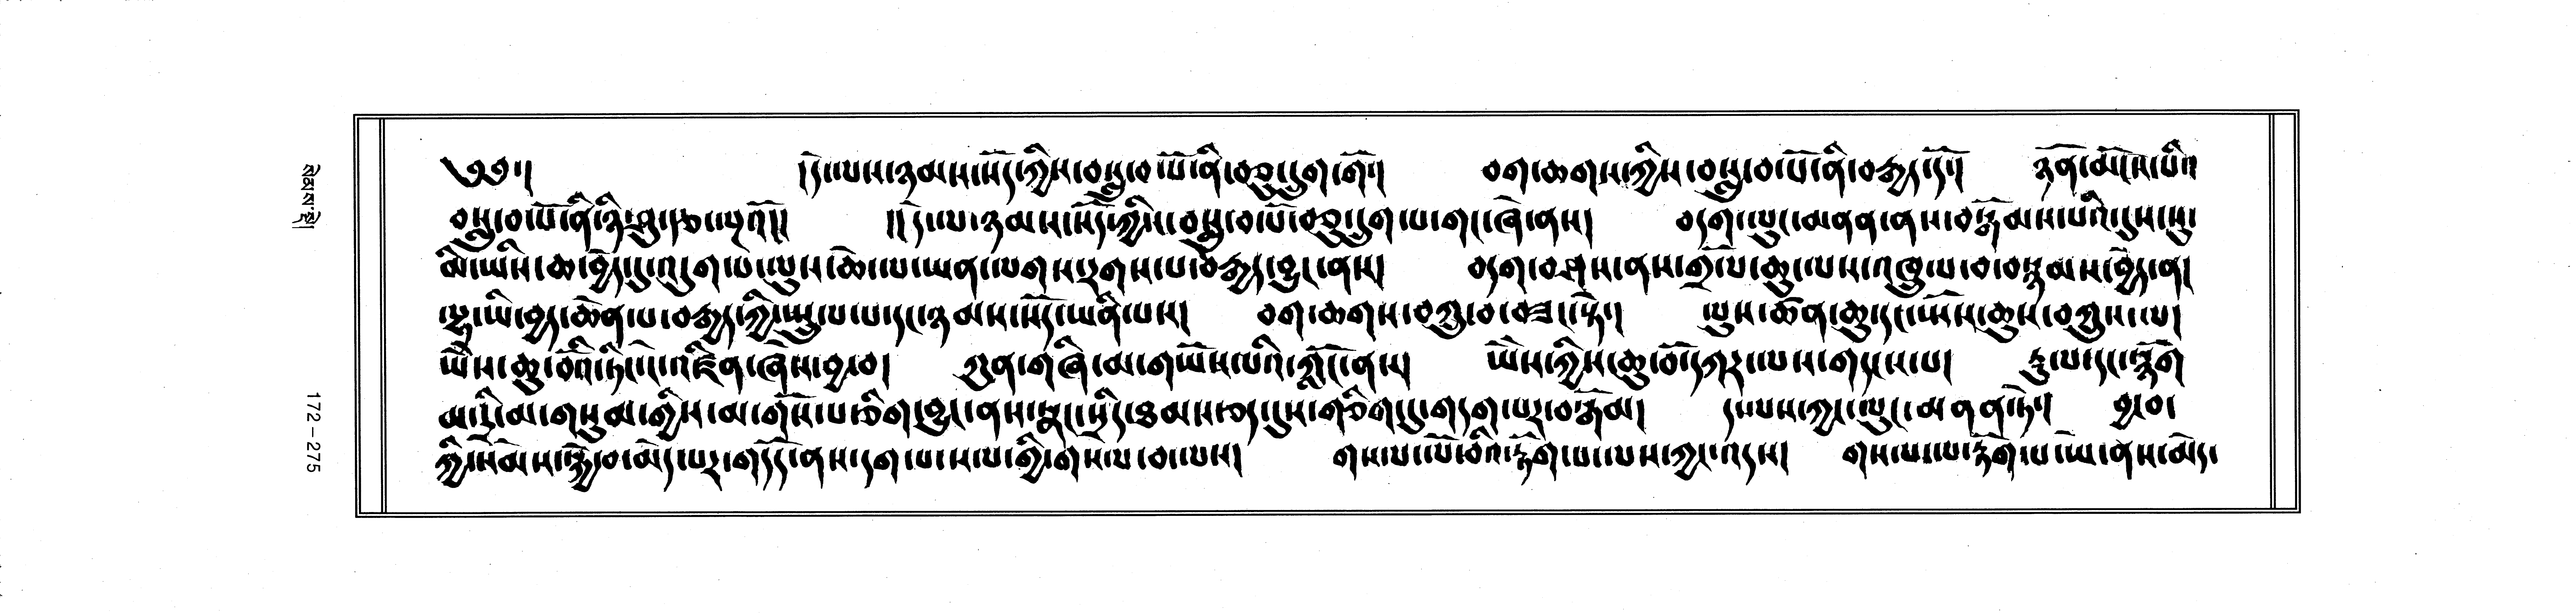དེ་ལས་ཉམས་སོད་ཀྱིས་བསླུ་བ་པོ་ནི་བཅུ་དྲུག་གོ། བག་ཆགས་ཀྱིས་བསླུ་བ་པོ་ནི་བརྒྱད་དོ། ཉོན་མོངས་པའི་
བསླུ་བ་པོ་ནི་ཉི་ཤུ་རྩ་ལྔའོ། དེ་ལ་ཉམས་སོད་ཀྱིས་བསླུ་བ་པོ་བཅུ་དྲུག་པ་གང་ཞེ་ནས། བདག་ལུང་མནན་ནས་བསྒོམས་པའི་དུས་སུ་
མི་ཡིས་ཆ་བྱེད་དུ་འདུག་པ་ལུས་ཆེ་ལ་ཡན་ལག་རགས་པ་བརྒྱད་བྱུང་ནས། བདག་བཤས་ནས་གྲོལ་ཆུ་ལས་འཁྲུལ་བ་བསྙམས་བྱེད་ན། 
ལྷ་ཡི་བྱད་ཆེན་པ་བརྒྱད་ཀྱི་སྤྲུལ་པ་དང་ཉམས་སོད་ཡིན་པས། བག་ཆགས་བཀྲུ་བ་བཟང་སྟེ། ལུས་ཚན་ཆུ་དང་སྤོས་ཆུས་བཀྲུས་ལ། 
ཡེ་ཤེས་ཆུ་བོའི་ཏིང་ངེ་འཛིན་ཞེས་བྱ་བ། ཀུན་གཞི་མ་གཡོས་པའི་ཀློང་ནས། ཡེ་ཤེས་ཀྱིས་ཆུ་བོ་དཀར་ལས་གདངས་པ། རྡུལ་དང་སྙོག་
མ་དྲི་མ་གསུམ་གྱིས་མ་གོས་པ་ཅིག་བྱུང་ནས་སྣང་སྲིད་ཐམས་ཅད་དུས་གཅིག་དུ་གདག་པར་བསྒོམ། དེ་ལས་ཀྱང་ལུང་མནན་ཏེ། བྱང་ཆུབ་
ཀྱིས་སེམས་སྐྱེ་བ་མེད་པར་གདོད་ནས་དག་པ་སལ་གྱི་གསལ་བ་ལས། གསལ་ལོ་བའི་རྟོགས་པ་ལས་ཀྱང་འདས། གསལ་ལ་རྟོགས་པ་ཡེ་ནས་མེད་